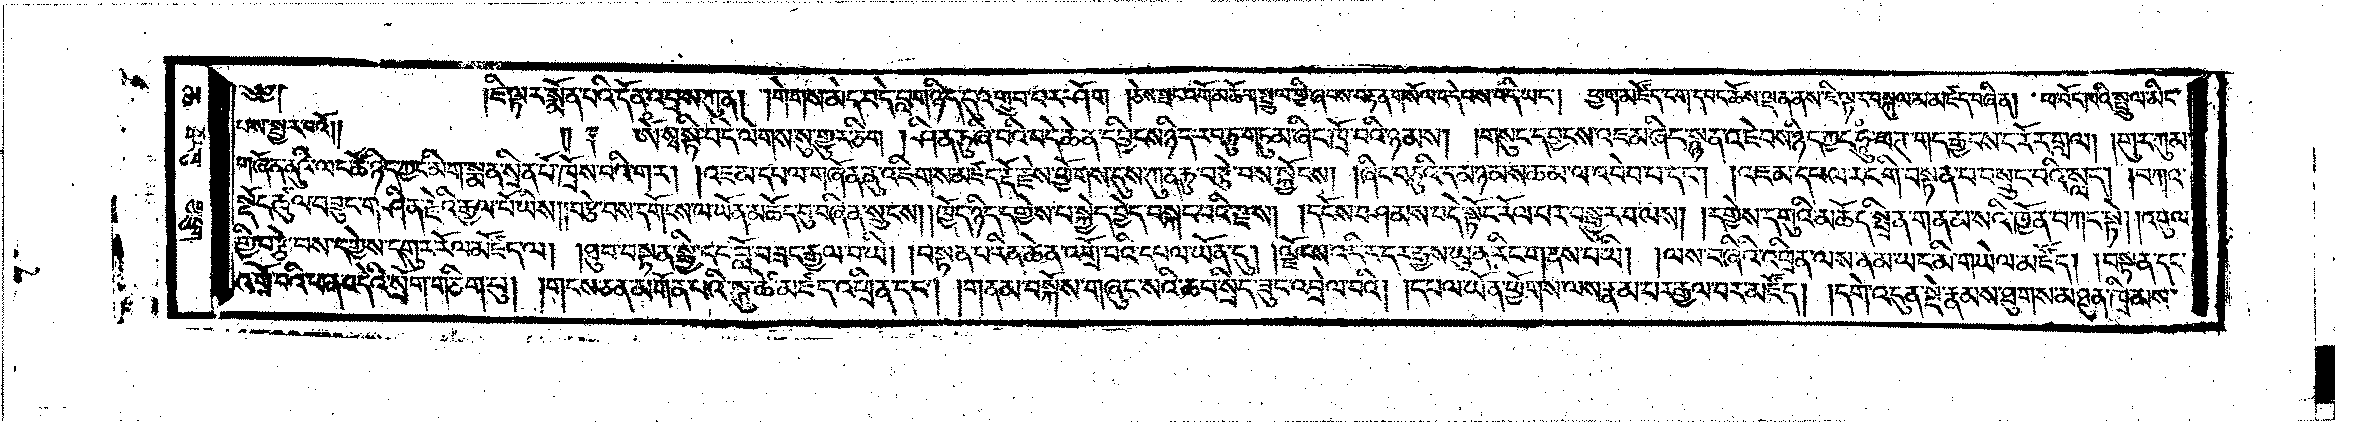༄༅། །ཇི་ལྟར་སྨོན་པའི་དོན་འབྲས་ཀུན། །གེགས་མེད་བདེ་བླག་ཉིད་དུ་འགྲུབ་པར་ཤོག །ཅེས་སྤང་འགོ་མཆོག་སྤྲུལ་གྱི་ཞབས་བརྟན་གསོལ་འདེབས་འདི་ཡང་། ཕྱག་མཛོད་ངག་དབང་ཆོས་ལྡན་ནས་ཇི་ལྟར་བསྐུལ་མ་མཛད་བཞིན། ཕ་བོང་ཁའི་སྤྲུལ་མིང་
པས་སྤྱར་བའོ།། །། ༈ ཨོཾ་སྭསྟི་བདེ་ལེགས་སུ་གྱུར་ཅིག །ཤིན་ཏུ་ཞི་བའི་བདེ་ཆེན་དབྱིངས་ཉིད་རབ་ཏུ་གཏུམ་ཞིང་ཁྲོ་བའི་ཉམས། །གསུང་དབྱངས་འཇམ་ཞིང་སྙན་འཇེབས་ཉིད་ཀྱང་ཧཱུཾ་ཕཊ་གད་རྒྱངས་ང་རོར་གླལ། །གུར་ཀུམ་
གཞོན་ནུའི་ལང་ཚོ་ཉིད་ཀྱང་མིག་སྨན་སྲིན་པོ་ཁྲོས་བའི་གར། །འཇམ་དཔལ་གཞོན་ནུ་འཇིགས་མཛད་རྡོ་རྗེས་ཕྱོགས་དུས་ཀུན་ཏུ་བརྩེ་བས་སྐྱོངས། །ཞིང་བཅུའི་དམ་ཉམས་ཆམ་ལ་འབེབ་པ་དང་། །འཇམ་དཔལ་རང་གི་བསྟན་པ་བསྲུང་བའི་སླད། །བཀའ་
སྡོད་ཚུལ་བཟུང་གཤིན་རྗེའི་རྒྱལ་པོ་ཡིས། །བརྩེ་བས་དགོངས་ལ་ཡོན་མཆོད་བུ་བཞིན་སྲུངས། །ཁྱོད་ཉིད་དགྱེས་པ་སྐྱེད་བྱེད་བསྐང་པའི་རྫས། །དངོས་བཤམས་བདེ་སྟོང་རོལ་པར་བསྒྱུར་བ་ལས། །དགྱེས་དགུའི་མཆོད་སྤྲིན་གནམ་སའི་ཁྱོན་བཀང་སྟེ། །འབུལ་གྱི་བརྩེ་བས་དགྱེས་དགུར་རོལ་མཛོད་ལ། །ཐུབ་བསྟན་སྤྱི་དང་བློ་བཟང་རྒྱལ་བ་ཡི། །བསྟན་པ་རིན་ཆེན་འགྲོ་བའི་དཔལ་ཡོན་དུ། །ལྗོངས་འདིར་དར་རྒྱས་ཡུན་རིང་གནས་པ་ཡི། །ལས་བཞིའི་འཕྲིན་ལས་ནམ་ཡང་མི་གཡེལ་མཛོད། །བསྟན་དང་
འགྲོ་བའི་ཕན་བདེའི་སྲོག་གཅིག་པུ། །གངས་ཅན་མགོན་པའི་སྐུ་ཚེ་མཛད་འཕྲིན་དང་། །གནམ་བསྐོས་གཞུང་སའི་ཆབ་སྲིད་ཟུང་འབྲེལ་བའི། །དཔལ་ཡོན་ཕྱོགས་ལས་རྣམ་པར་རྒྱལ་བར་མཛོད། །དགེ་འདུན་སྡེ་རྣམས་ཐུགས་མཐུན་ཁྲིམས་